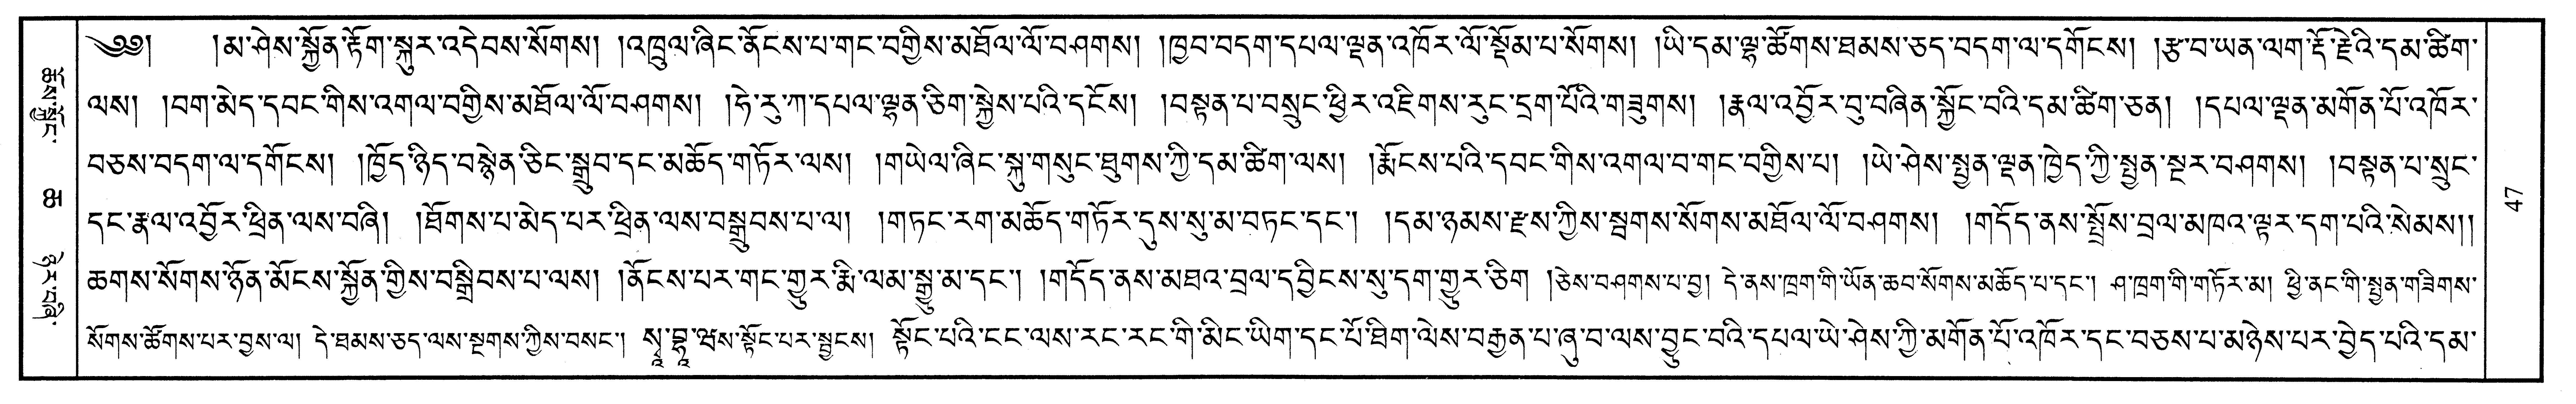༄༅། །མ་ཤེས་སྐྱོན་རྟོག་སྐུར་འདེབས་སོགས། །འཁྲུལ་ཞིང་ནོངས་པ་གང་བགྱིས་མཐོལ་ལོ་བཤགས། །ཁྱབ་བདག་དཔལ་ལྡན་འཁོར་ལོ་སྡོམ་པ་སོགས། །ཡི་དམ་ལྷ་ཚོགས་ཐམས་ཅད་བདག་ལ་དགོངས། །རྩ་བ་ཡན་ལག་རྡོ་རྗེའི་དམ་ཚིག་
ལས། །བག་མེད་དབང་གིས་འགལ་བགྱིས་མཐོལ་ལོ་བཤགས། །ཧེ་རུ་ཀ་དཔལ་ལྷན་ཅིག་སྐྱེས་པའི་དངོས། །བསྟན་པ་བསྲུང་ཕྱིར་འཇིགས་རུང་དྲག་པོའི་གཟུགས། །རྣལ་འབྱོར་བུ་བཞིན་སྐྱོང་བའི་དམ་ཚིག་ཅན། །དཔལ་ལྡན་མགོན་པོ་འཁོར་
བཅས་བདག་ལ་དགོངས། །ཁྱོད་ཉིད་བསྙེན་ཅིང་སྒྲུབ་དང་མཆོད་གཏོར་ལས། །གཡེལ་ཞིང་སྐུ་གསུང་ཐུགས་ཀྱི་དམ་ཚིག་ལས། །རྨོངས་པའི་དབང་གིས་འགལ་བ་གང་བགྱིས་པ། །ཡེ་ཤེས་སྤྱན་ལྡན་ཁྱེད་ཀྱི་སྤྱན་སྔར་བཤགས། །བསྟན་པ་སྲུང་
དང་རྣལ་འབྱོར་ཕྲིན་ལས་བཞི། །ཐོགས་པ་མེད་པར་ཕྲིན་ལས་བསྒྲུབས་པ་ལ། །གཏང་རག་མཆོད་གཏོར་དུས་སུ་མ་བཏང་དང་། །དམ་ཉམས་རྫས་ཀྱིས་སྦགས་སོགས་མཐོལ་ལོ་བཤགས། །གདོད་ནས་སྤྲོས་བྲལ་མཁའ་ལྟར་དག་པའི་སེམས།།
ཆགས་སོགས་ཉོན་མོངས་སྐྱོན་གྱིས་བསྒྲིབས་པ་ལས། །ནོངས་པར་གང་གྱུར་རྨི་ལམ་སྒྱུ་མ་དང་། །གདོད་ནས་མཐའ་བྲལ་དབྱིངས་སུ་དག་གྱུར་ཅིག །ཅེས་བཤགས་པ་བྱ། དེ་ནས་ཁྲག་གི་ཡོན་ཆབ་སོགས་མཆོད་པ་དང་། ཤ་ཁྲག་གི་གཏོར་མ། ཕྱི་ནང་གི་སྤྱན་གཟིགས་
སོགས་ཚོགས་པར་བྱས་ལ། དེ་ཐམས་ཅད་ལས་སྔགས་ཀྱིས་བསང་། སྭཱ་བྷཱ་ཝས་སྟོང་པར་སྦྱངས། སྟོང་པའི་ངང་ལས་རང་རང་གི་མིང་ཡིག་དང་པོ་ཐིག་ལེས་བརྒྱན་པ་ཞུ་བ་ལས་བྱུང་བའི་དཔལ་ཡེ་ཤེས་ཀྱི་མགོན་པོ་འཁོར་དང་བཅས་པ་མཉེས་པར་བྱེད་པའི་དམ་